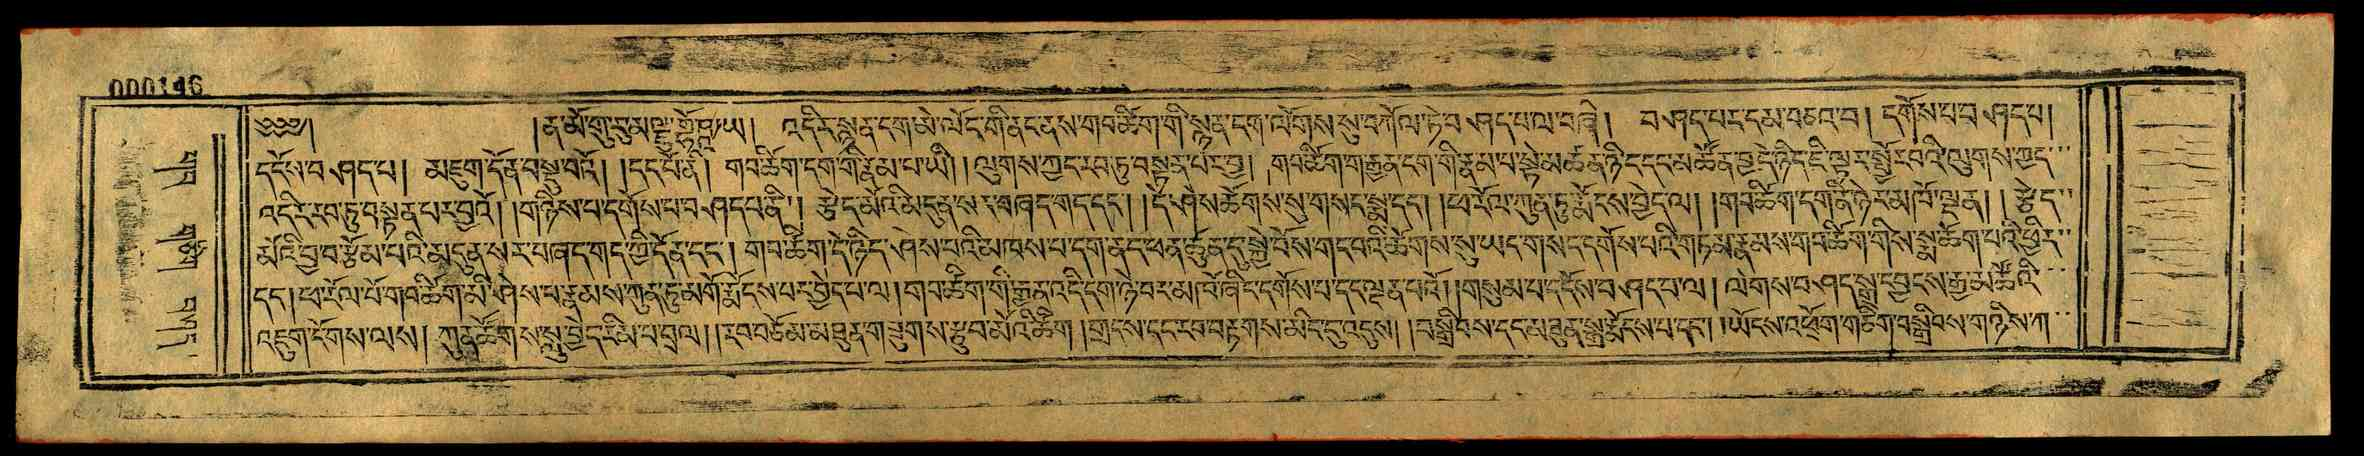༄༅༅། །ན་མོ་གུ་རུ་མཉྫུ་གྷོ་ཥྲཱ་ཡ། འདིར་སྙན་ངག་མེ་ལོང་གི་ནང་ནས་གབ་ཚིག་གི་སྙན་ངག་ལོགས་སུ་བཀོལ་ཏེ་བཤད་པ་ལ་བཞི། བཤད་པར་དམ་བཅའ་བ། དགོས་པ་བཤད་པ།
དངོས་བཤད་པ། མཇུག་དོན་བསྡུ་བའོ། །དང་པོ་ནི། གབ་ཚིག་དག་གི་རྣམ་པ་ཡི། །ལུགས་ཀྱང་རབ་ཏུ་བསྟན་པར་བྱ། །གབ་ཚིག་གི་རྒྱན་དག་གི་རྣམ་པ་སྟེ་མཚན་ཉིད་དང་མཚོན་བྱེད་ཉིད་ཇི་ལྟར་སྦྱོར་བའི་ལུགས་ཀྱང་
འདིར་རབ་ཏུ་བསྟན་པར་བྱའོ། །གཉིས་པ་དགོས་པ་བཤད་པ་ནི། རྩེད་མོའི་མདུན་སར་བཞད་གང་དང་། །དེ་ཤེས་ཆགས་སུ་གསང་སྨྲ་དང་། །ཕ་རོལ་ཀུན་ཏུ་རྨོངས་བྱེད་ལ། །གབ་ཚིག་དག་ནི་ཉེར་མཁོ་ལྡན། །རྩེད་
མོའི་བྱ་བ་རྩོམ་པའི་མདུན་སར་བཞད་གད་ཀྱི་དོན་དང་། གབ་ཚིག་དེ་ཉིད་ཤེས་པའི་མཁས་པ་དག་ནང་ཕན་ཚུན་དུ་སྐྱེ་བོས་གང་བའི་ཚིགས་སུ་ཡང་གསང་དགོས་པའི་གཏམ་རྣམས་གབ་ཚིག་གིས་སྨ་ཆོག་པའི་ཕྱིར་
དང་། ཕ་རོལ་པོ་གབ་ཚིག་མི་ཤེས་པ་རྣམས་ཀུན་ཏུ་མགོ་རྨོངས་པར་བྱེད་པ་ལ། གབ་ཚིག་གི་རྒྱན་འདི་དག་ཉེ་བར་མཁོ་ཞིང་དགོས་པ་དང་ལྡན་པའོ། །གསུམ་པ་དངོས་བཤད་པ་ལ། ལེགས་བཤད་སྒྲ་དབྱངས་རྒྱ་མཚོའི་
འཇུག་དོགས་ལས། ཀུན་ཚོགས་སླུ་བྱེད་རིམ་པ་བྲལ། །རབ་བཅོམ་མཐུན་གཟུགས་རྩུབ་མོའི་ཚིག །གྲངས་དང་རབ་བརྟགས་མིང་དུ་འདུས། །བསྒྲིབས་དང་མཐུན་སྒྲ་རྨོངས་པ་དང་། །ཡོངས་འཕྲོག་གཅིག་བསྒྲིབས་གཉིས་ཀ་